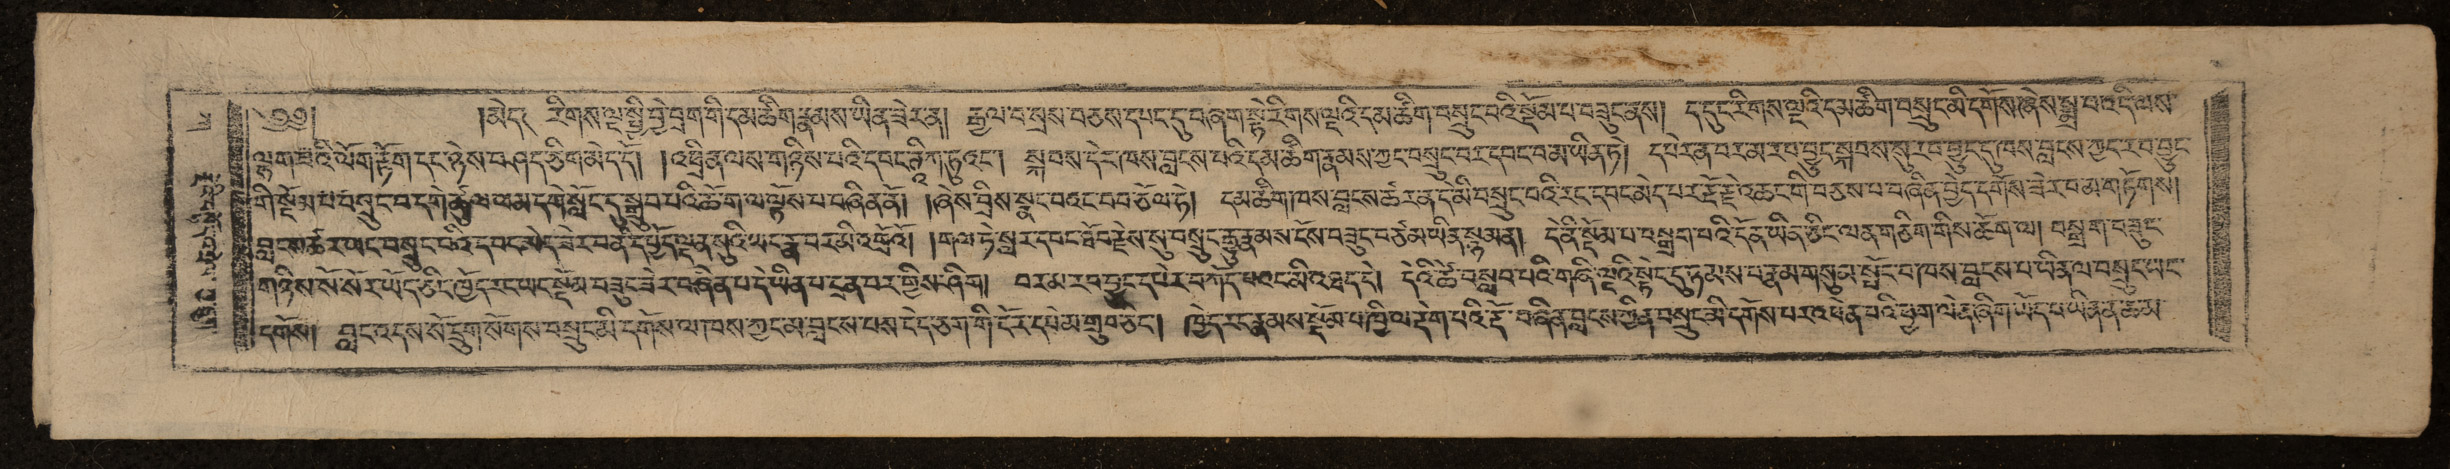༄༅། །མེད༑ རིགས་ལྔ་སྤྱི་བྱེ་བྲག་གི་དམ་ཚིག་རྣམས་ཡིན་ཟེར་ན། རྒྱལ་བ་སྲས་བཅས་དབང་དུ་བཞག་སྟེ་རིགས་ལྔའི་དམ་ཚིག་བསྲུང་བའི་སྡོམ་པ་བཟུང་ནས། ད་དུང་རིགས་ལྔའི་དམ་ཚིག་བསྲུང་མི་དགོས་ཞེས་སྨྲ་བ་འདི་ལས་
ལྷག་པའི་ལོག་རྟོག་དང་ཉེས་བཤད་ཅིག་མེད་དོ། །འཕྲིན་ལས་གཉིས་པའི་དབང་ཊཱིཀ་ཏུའང་། སྐབས་དེར་ཁས་བླངས་པའི་དམ་ཚིག་རྣམས་ཀྱང་བསྲུང་བར་དབང་བ་མ་ཡིན་ཏེ། དཔེར་ན་བར་མ་རབ་བྱུང་སྐབས་སུ་རབ་བྱུང་དུ་ཁས་བླངས་ཀྱང་རབ་བྱུང་
གི་སྡོམ་པ་བསྲུང་བ་དགེ་ཚུལ་ལམ་དགེ་སློང་དུ་སྒྲུབ་པའི་ཆོ་ག་ལ་ལྟོས་པ་བཞིན་ནོ། །ཞེས་བྲིས་སྣང་བའང་བབ་ཅོལ་ཏེ། དམ་ཚིག་ཁས་བླངས་ཚར་ན་དེ་མི་བསྲུང་བའི་རང་དབང་མེད་པར་རྡོ་རྗེ་འཆང་གི་བཅས་པ་བཞིན་བྱེད་དགོས་ཟེར་བམ་གཏོགས།
བླངས་ཚར་ཡང་བསྲུང་བའི་དབང་མེད་ཟེར་བ་ནི་དཔྱོད་ལྡན་སུའི་ཡང་རྣ་བར་མི་འགྲོའོ། །གལ་ཏེ་སླར་དབང་ཐོབ་རྗེས་སུ་བསྲུང་རྒྱུ་རྣམས་ངོས་བཟུང་བ་ཙམ་ཡིན་སྙམ་ན། དེ་ནི་སྡོམ་བ་བསྒྲག་པའི་དོན་ཡིན་ཅིང་ལན་གཅིག་གིས་ཆོག་ལ། བསྒྲག་བཟུང་
གཉིས་སོ་སོར་ཡོད་ཅིང་ཁྱོད་རང་ཡང་སྡོམ་བཟུང་ཟེར་བཞིན་པ་དེ་ཡིན་པ་དྲན་བར་གྱིས་ཤིག། བར་མ་རབ་བྱུང་དཔེར་བཀོད་བའང་མི་འཐད་དེ། དེའི་ཚེ་བསླབ་པའི་གཞི་ལྔའི་སྟེང་དུ་ཉམས་པ་རྣམ་གསུམ་སྤོང་བ་ཁས་བླངས་པ་ཡིན་ལ་བསྲུང་ཡང་
དགོས། བླང་འདས་སོ་དྲུག་སོགས་བསྲུང་མི་དགོས་ལ་ཁས་ཀྱར་མ་བླངས་པས་དེད་ཅག་གི་དོར་དཔེ་མ་གྲུབ་ཅིང་། ཁྱེད་རང་རྣམས་སྡོམ་པ་ཁྱི་ལ་རྡེག་པའི་རྡོ་བཞིན་བླངས་ཀྱིན་བསྲུང་མི་དགོས་པར་འཕེན་པའི་ཕྱག་ལེན་ཞིག་ཡོད་པ་ཡིན་ན་ཆ་མ་